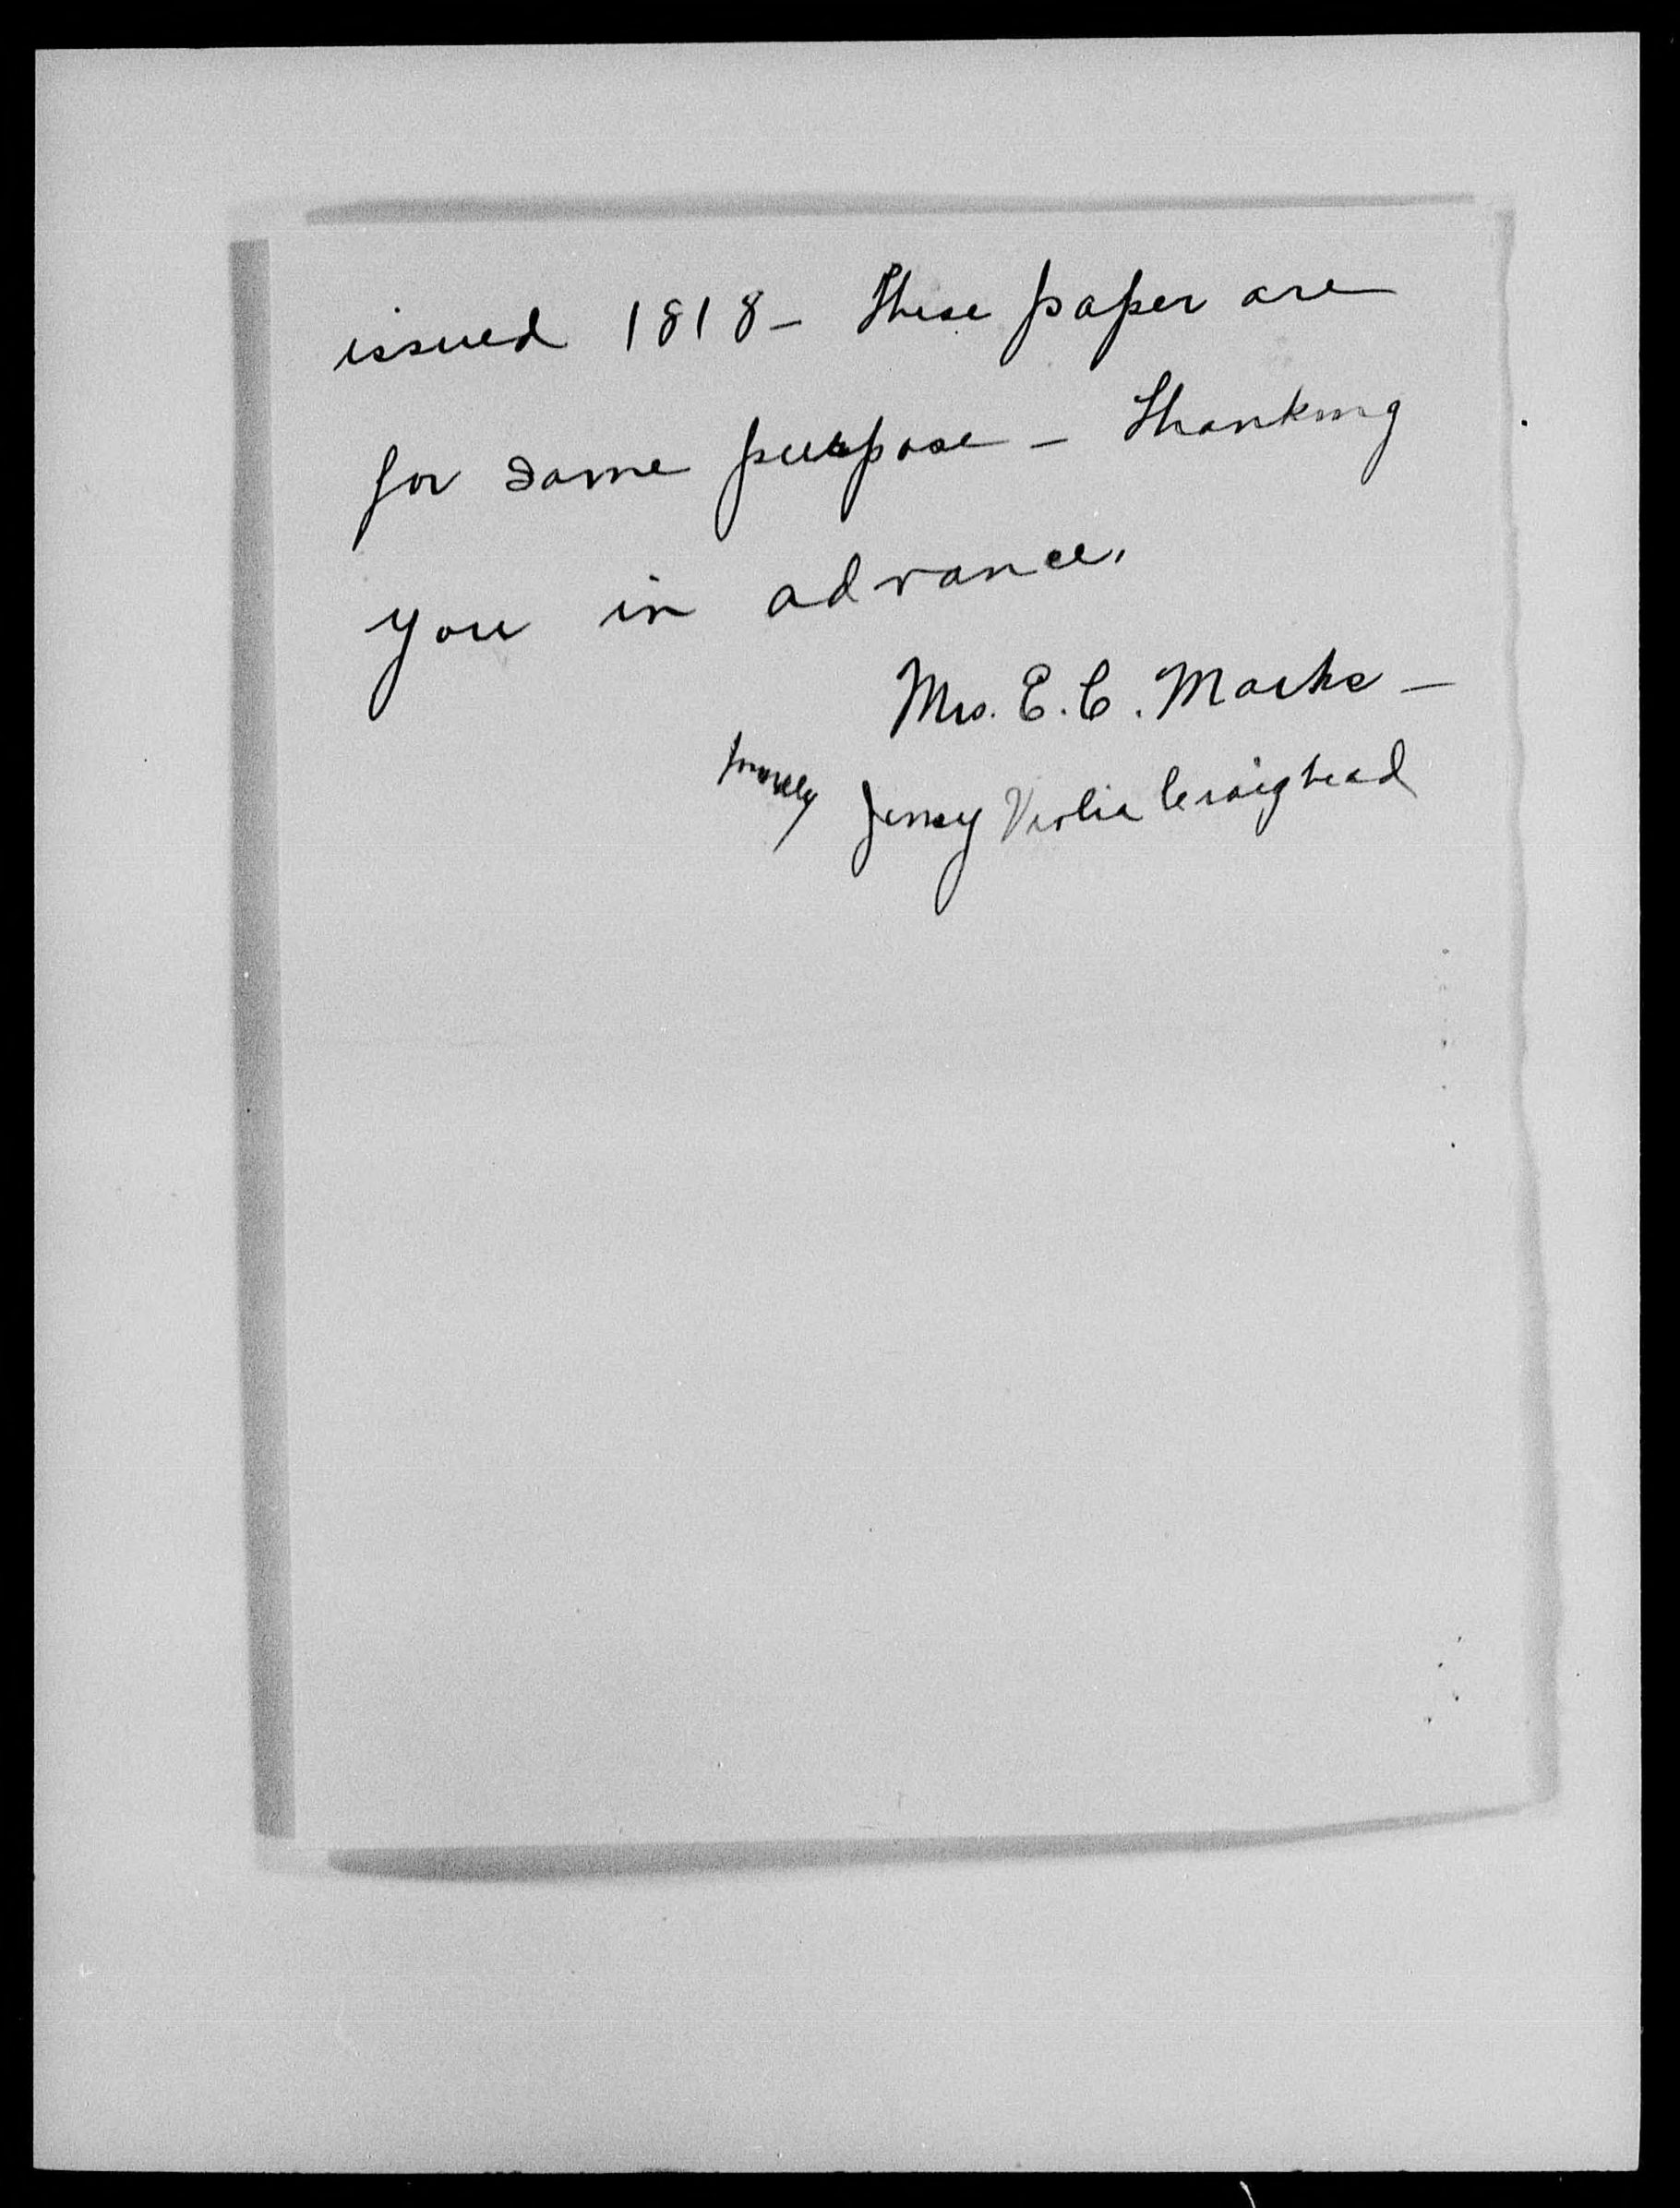issued 1818-
These paper are for same
purpose-
Thanking
you in advance
Mrs. E. C. Marks
formerly
Jeney Virlia Craighead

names: Jeney Violia Craighead, E C Marks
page: 23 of 26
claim: survivor's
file: S. 352, Robert Craighead, N.C.